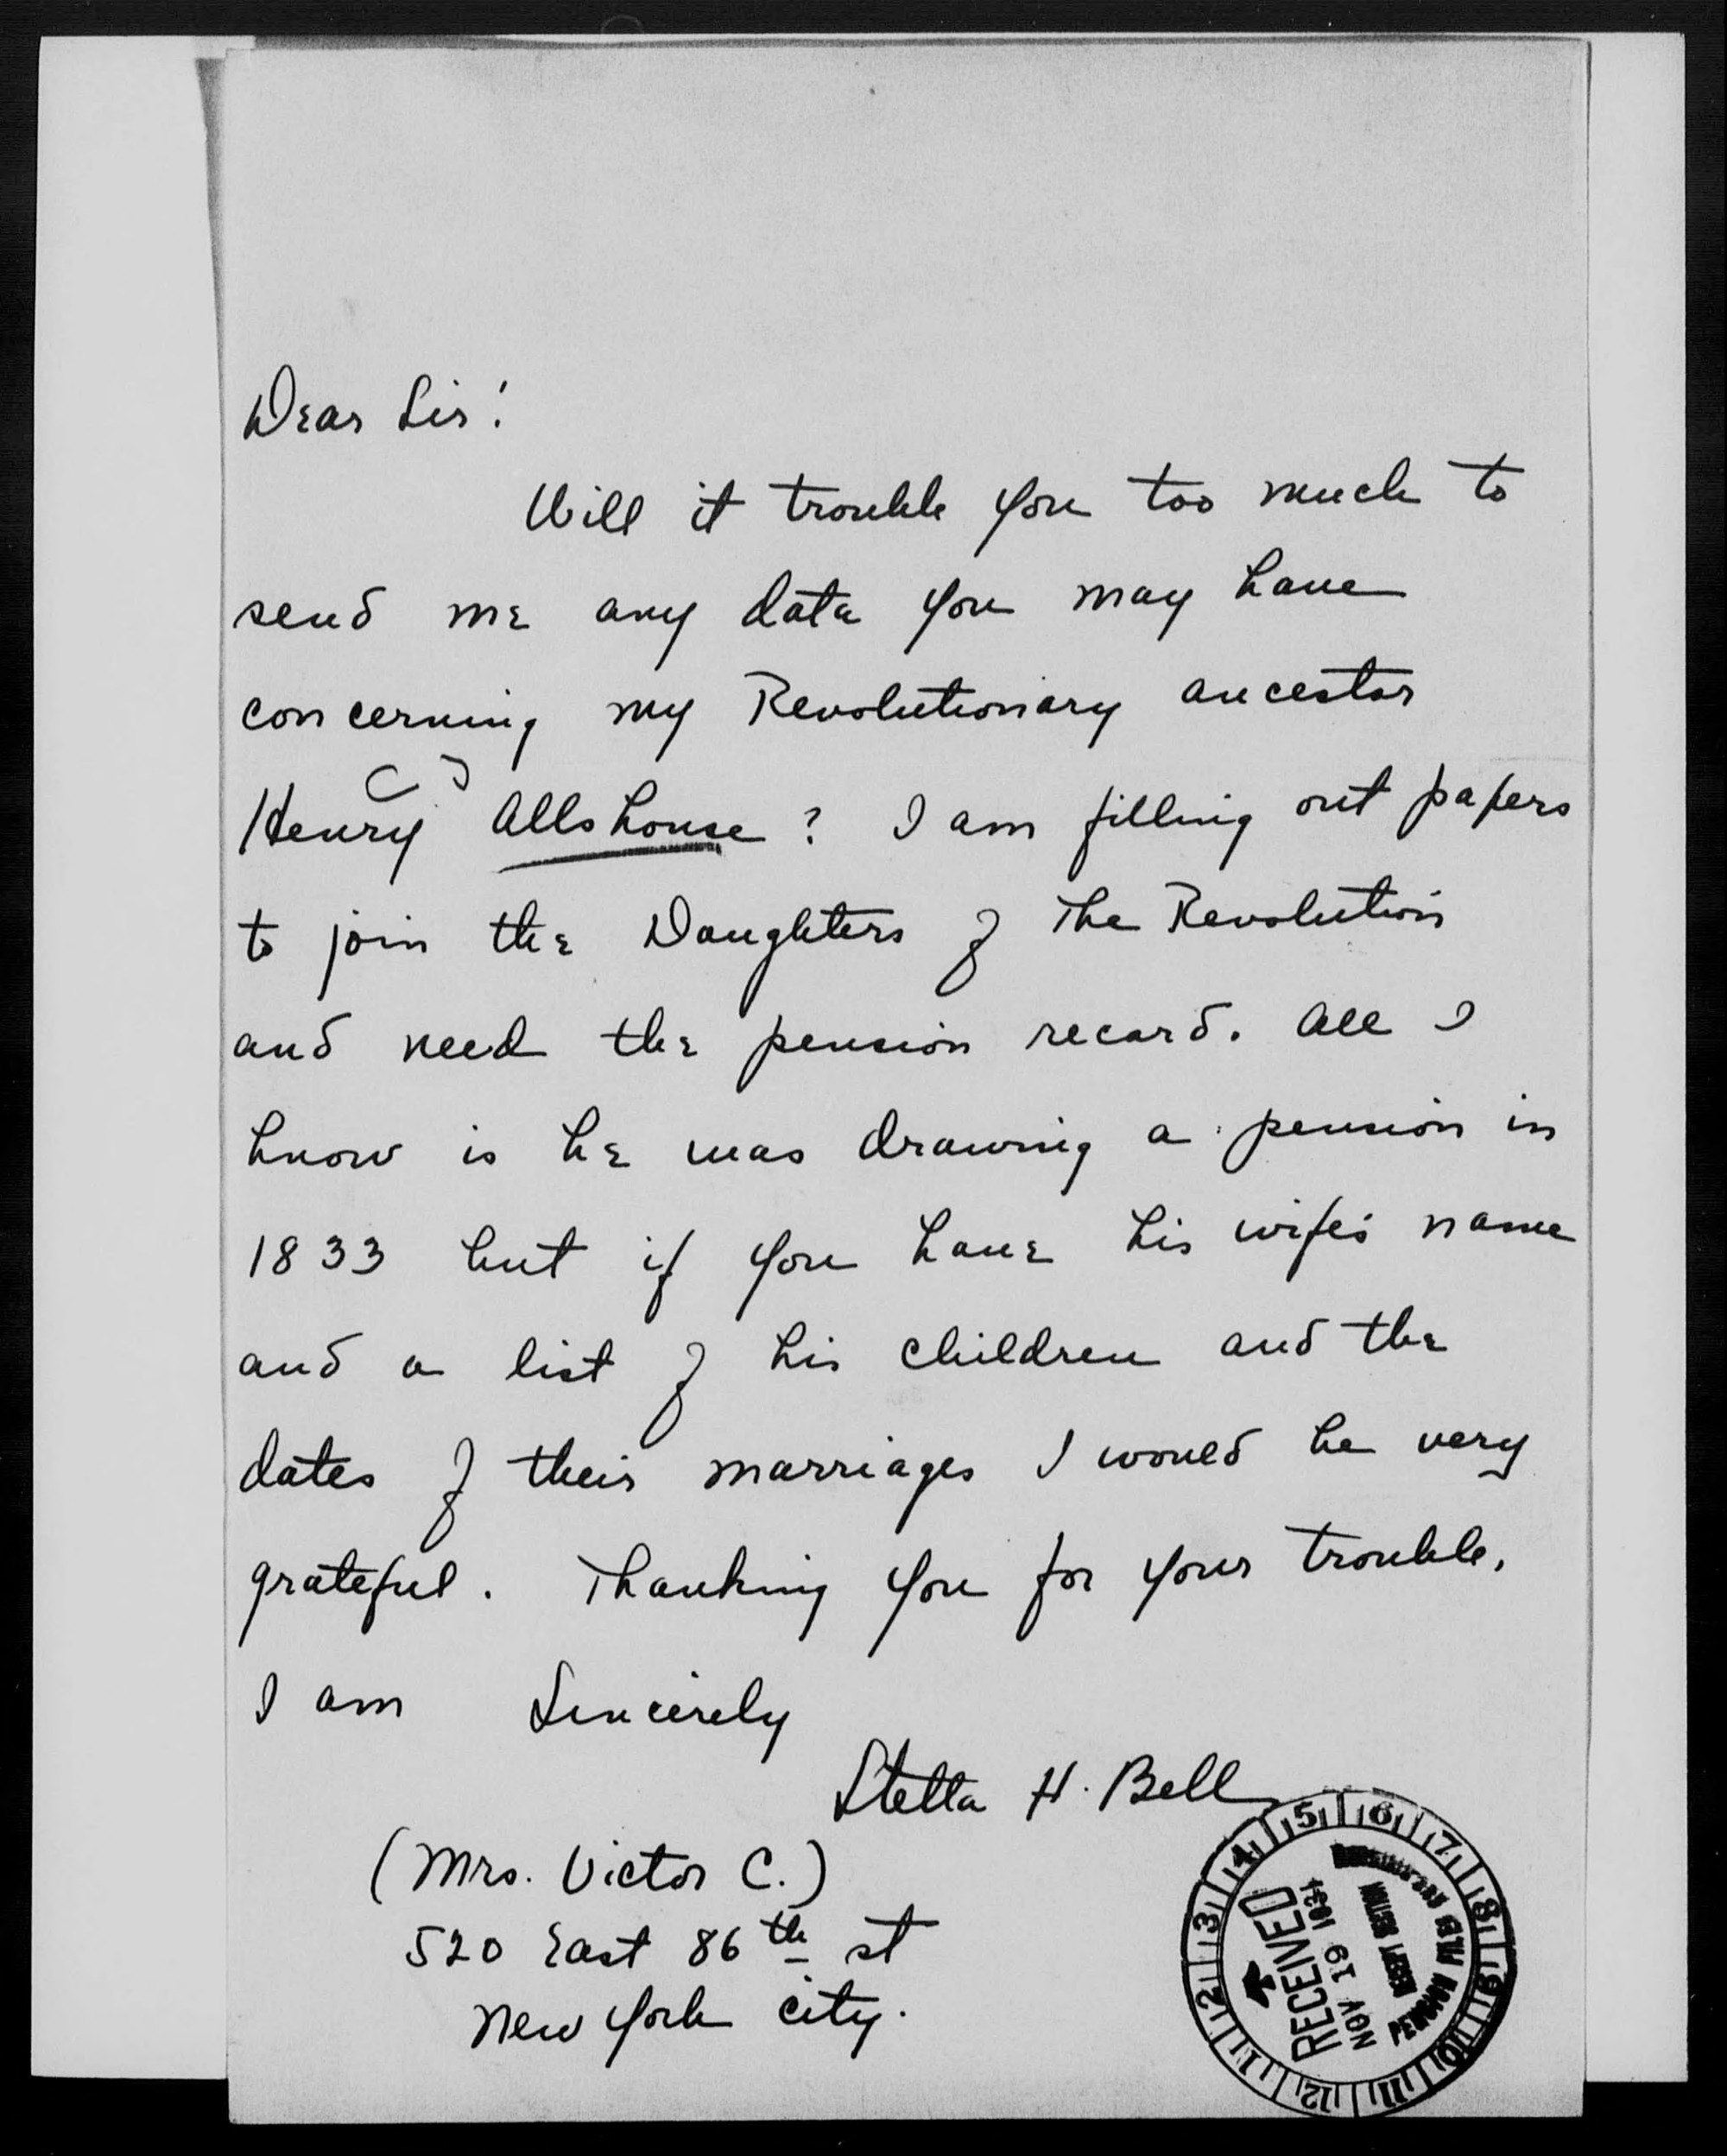Dear Sir:
Will it trouble you too much to send me any data you may have concerning my Revolutionary ancestor Henry Allshouse? I am filling out papers to join the Daughters of the Revolution and need this pension record. All I know is he was drawing a pension in 1833 but if you have his wife's name and a list of his children and the dates of their marriages I would be very grateful. Thanking you for your trouble, I am     Sincerely
Stella H. Bell
(Mrs. Victor C.)
520 East 86th st
New York City.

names: Victor C, Henry Allshouse, Stella H Bell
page: 22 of 24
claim: survivor's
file: S. 2032, Henry Allshouse, Penn.